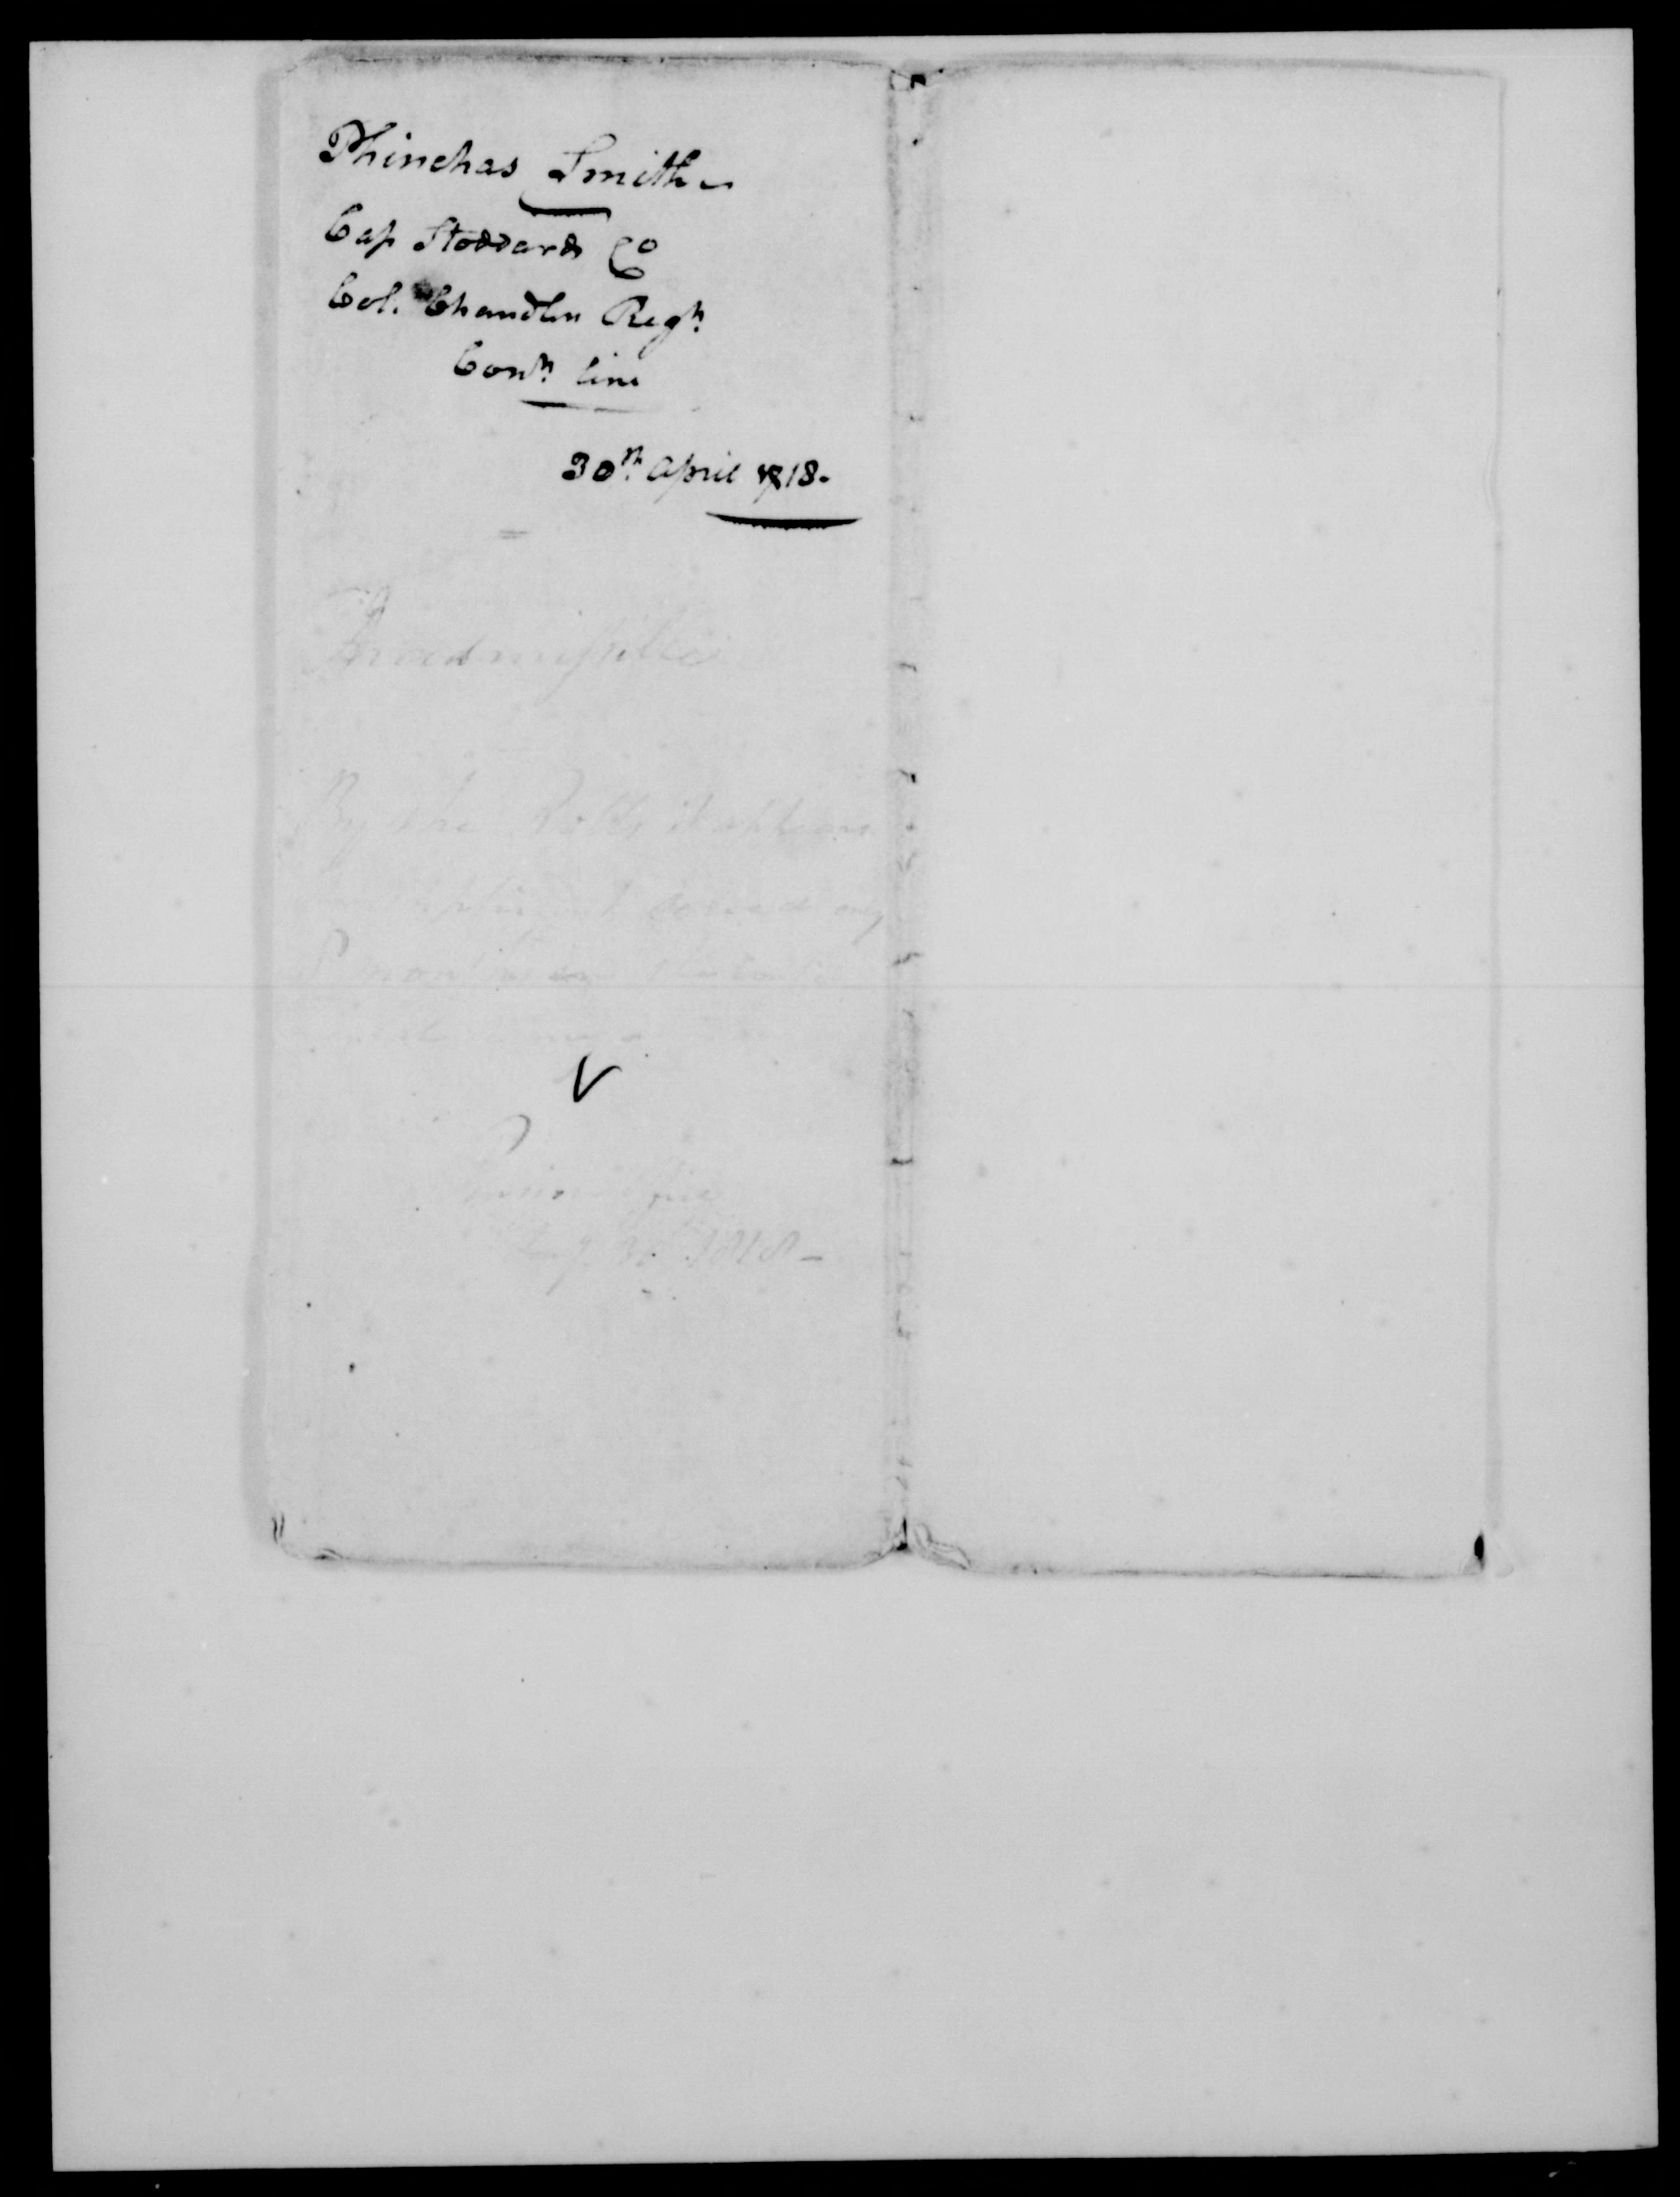Phinehas Smith 
Cap Stoddards Co 
Col. Chandlers Regt 
Conn line 
30th April 1818. 
Inadmissible 
By the Rolls it appears [unreadable] served only 8 months  [unreadable]
Pension Office
Apr 30 1818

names: Phinehas Smith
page: 27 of 55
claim: widow's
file: W. 11480, for Phinehas Smith, Connecticut